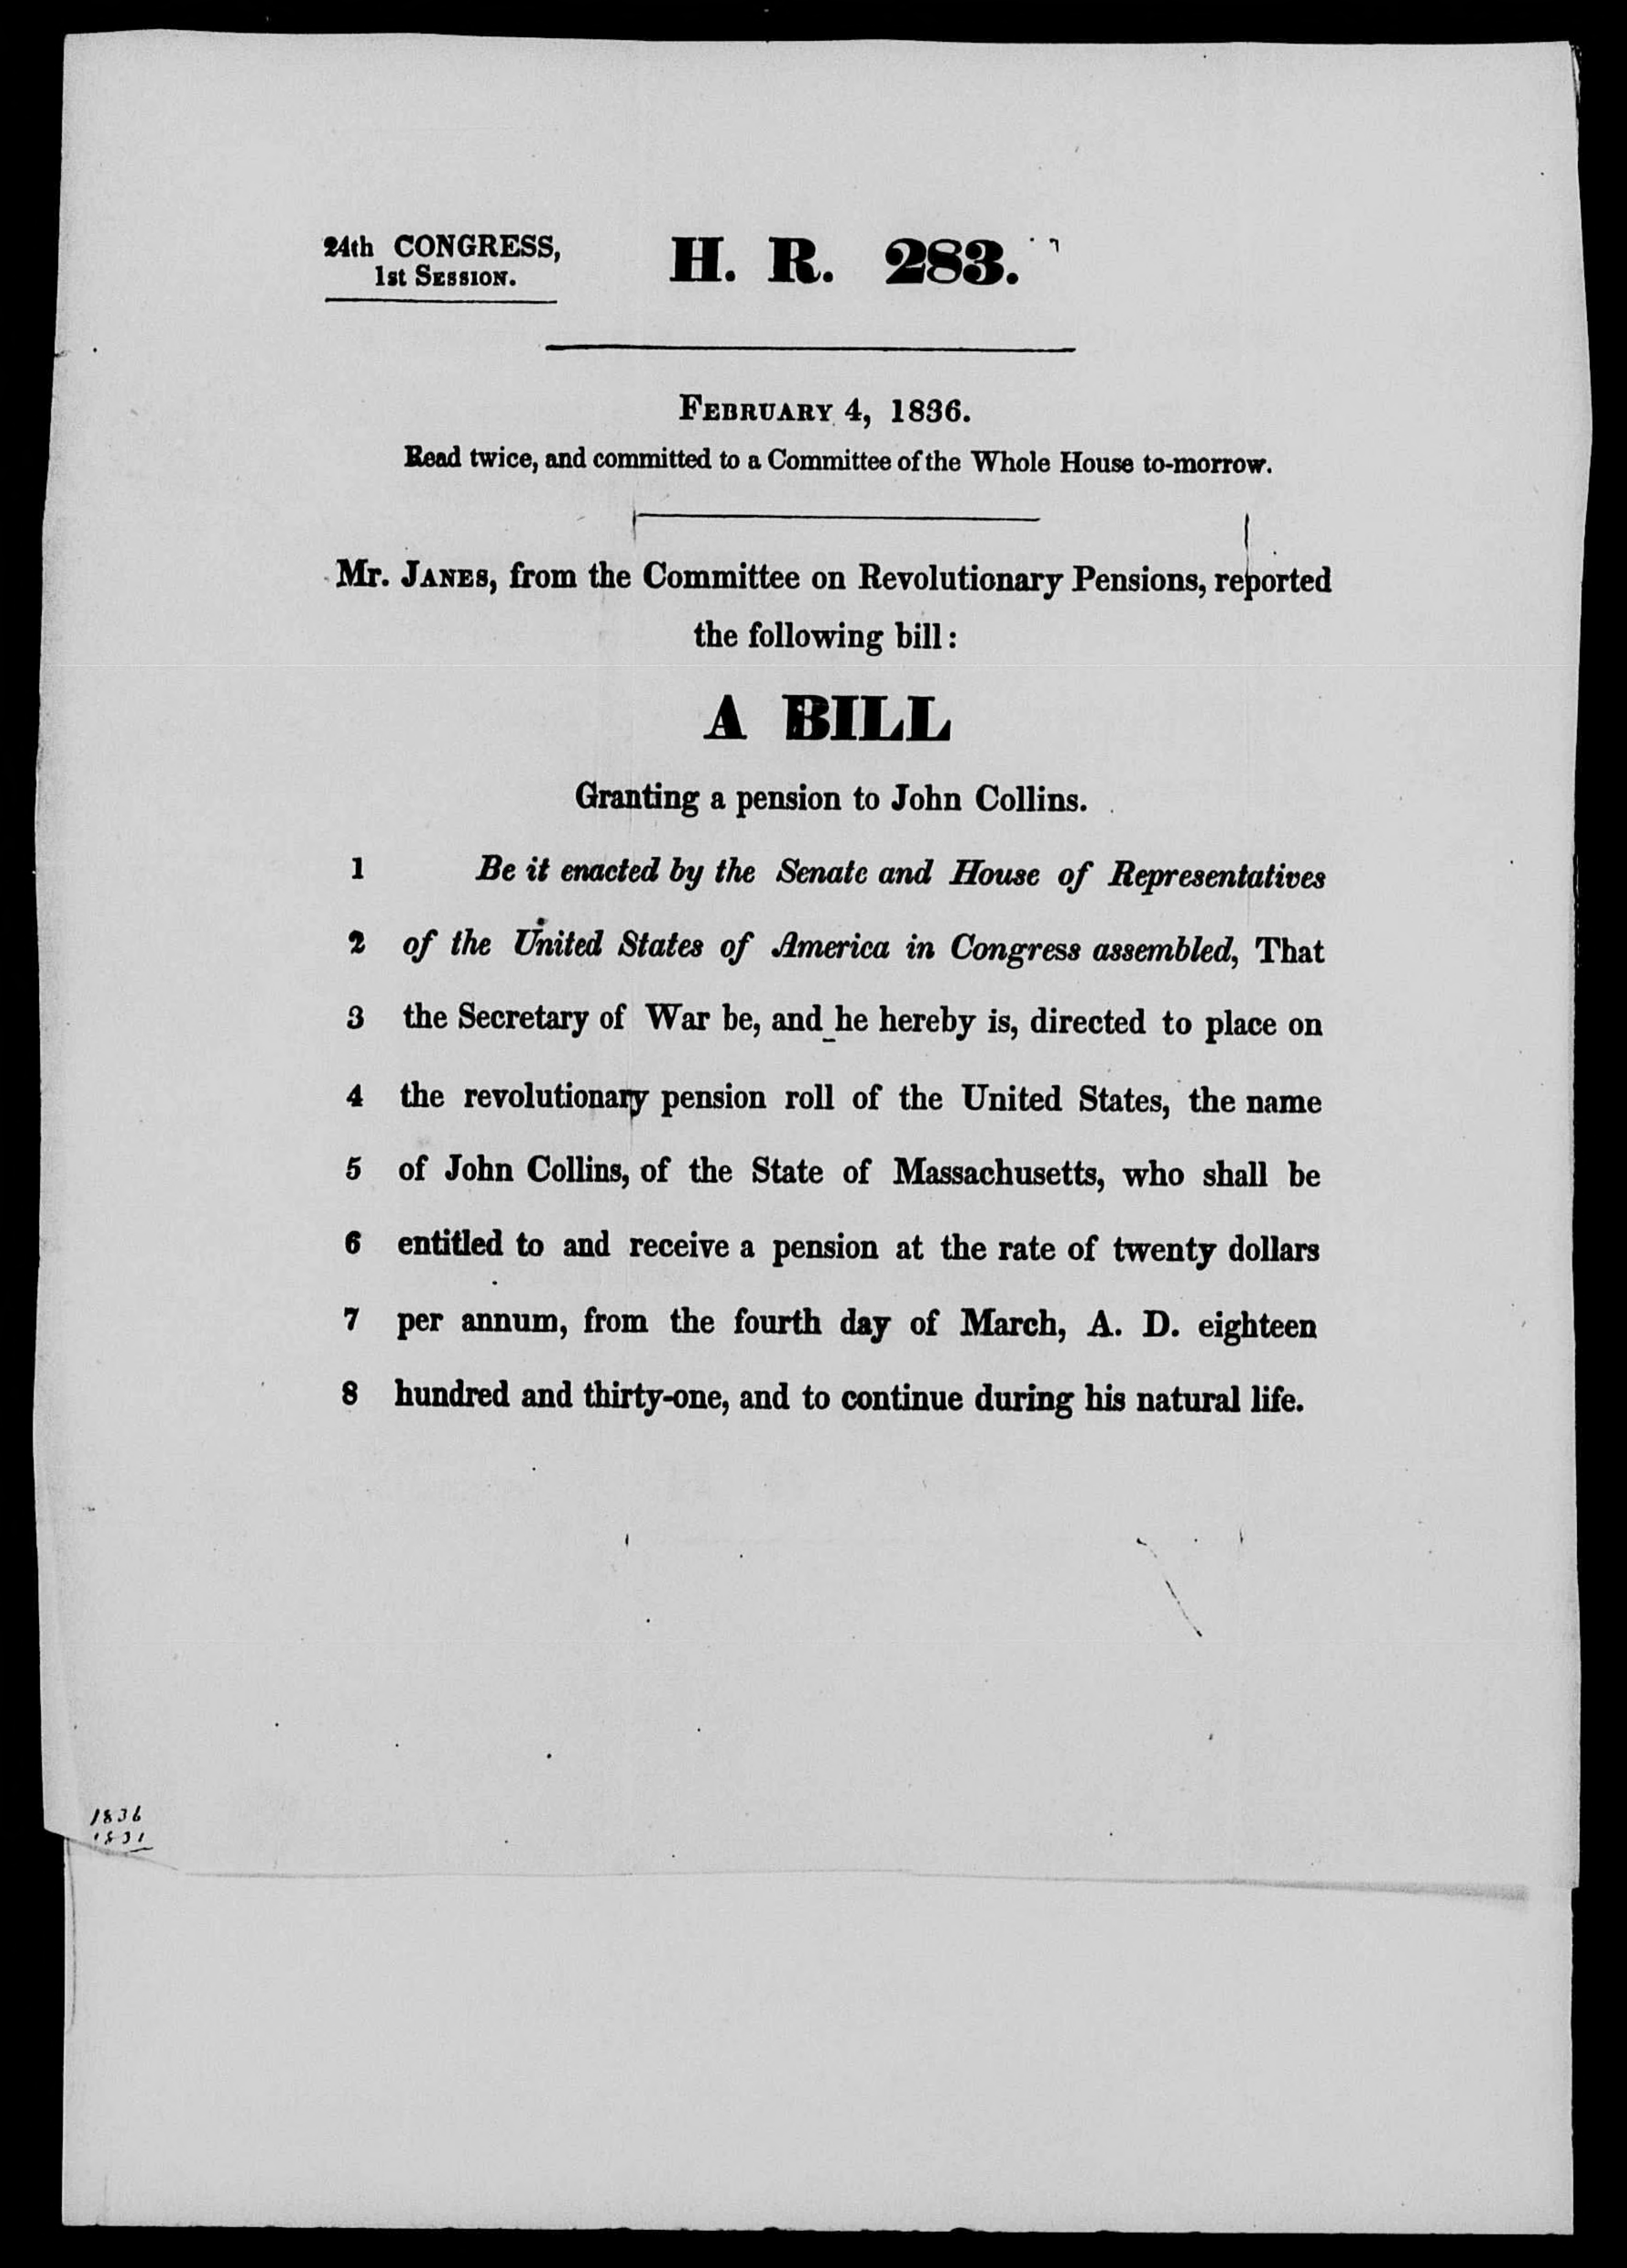24th CONGRESS, 1st SESSION. H. R. 283. FEBRUARY 4, 1836. 
Read twice, and committed to a Committee of the Whole House to-morrow. 
Mr. JANES, from the Committee on Revolutionary Pensions, reported the following bill: A BILL 
Granting a pension to John Collins.
1 Be it enacted by the Senate and House of Representatives 
2 of the United States of America in Congress assembled, That 
3 the Secretary of War be, and he hereby is directed to place on 
4 the revolutionary pension roll of the United States, the name 
5 of John Collins, of the State of Massachusetts, who shall be 
6 entitled to and receive a pension at the rate of twenty dollars 
7 per annum, from the fourth day of March, A. D. eighteen hundred and thirty one, and to continue during his natural life.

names: Janes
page: 9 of 43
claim: survivor's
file: S. 29,732, John Collins, Mass. Navy